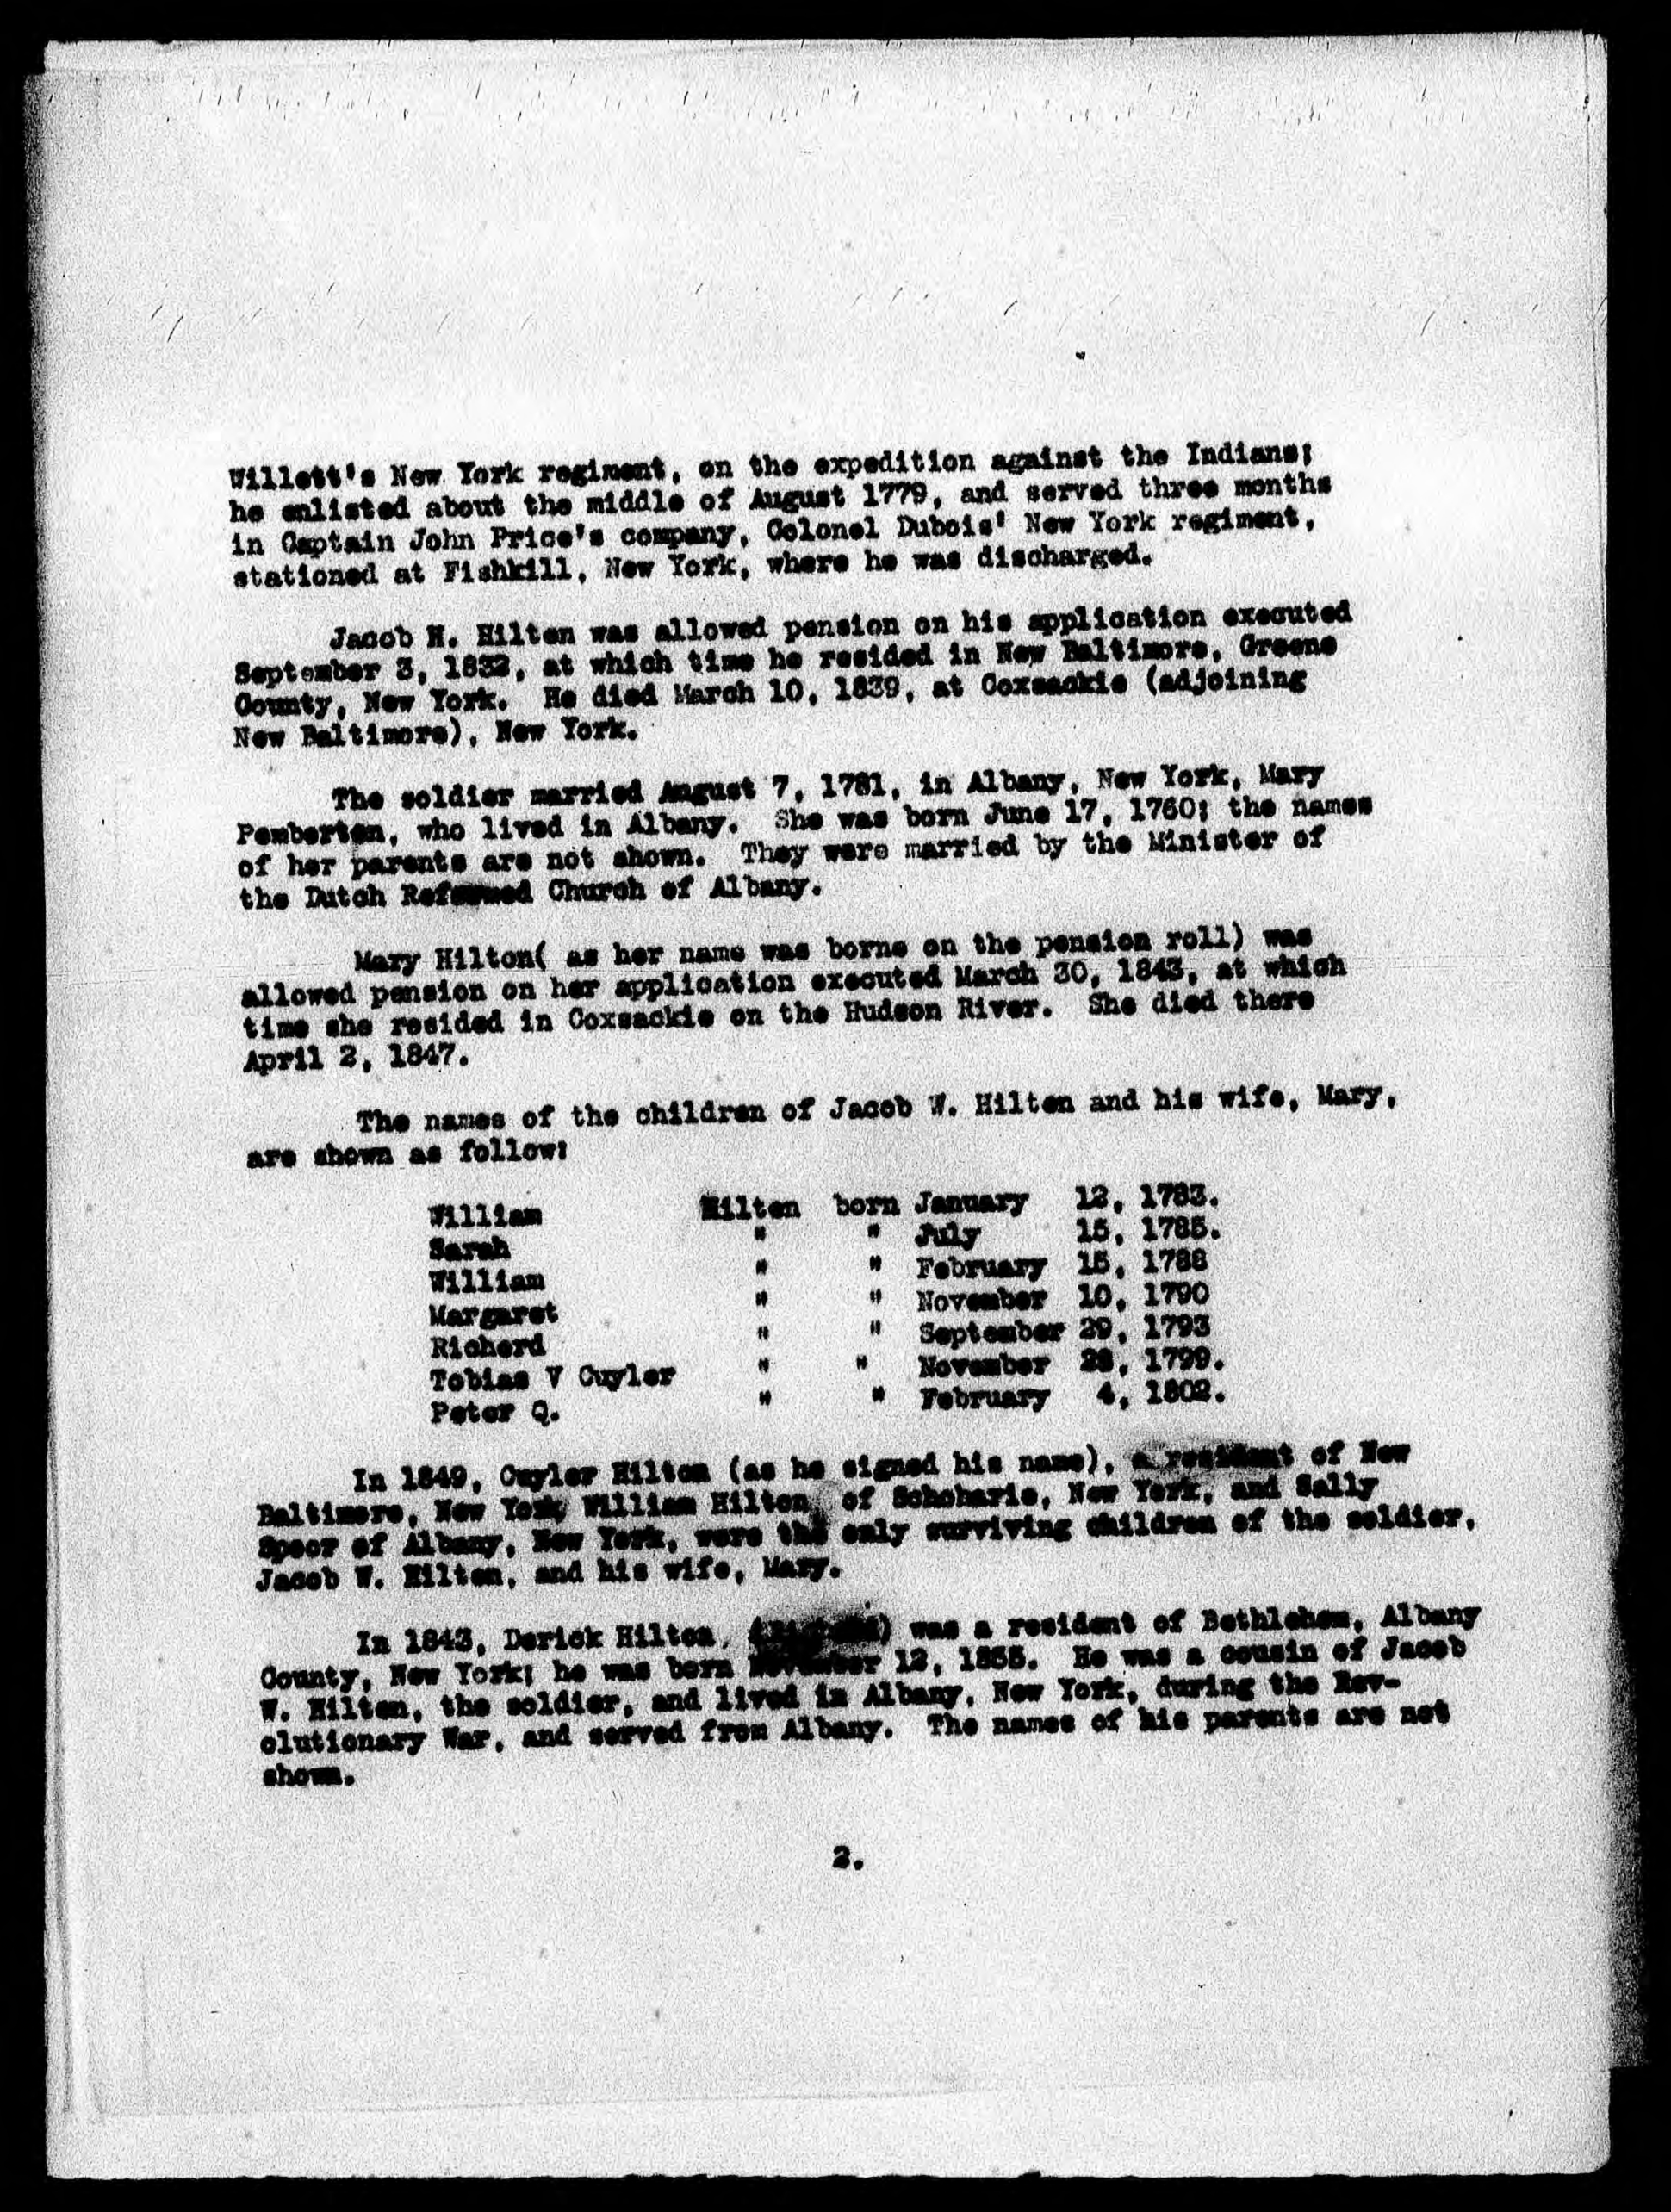Willett's New York regiment, on the expedition against the Indians; he enlisted about the middle of August 1779, and served three months in Captain John Price's company, Colonel Dubois' New York regiment, stationed at Fishkill, New York, where he was discharged.

Jacob W. Hilton was allowed pension on his application executed September 3, 1822, at which time he resided in New Baltimore, Greene County, New York. He died March 10, 1839, at Coxsackie (adjoining New Baltimore), New York.  

The soldier married August 7, 1781, in Albany, New York, Mary Pemberton, who lived in Albany. She was born June 17, 1760; the names of her parents are not shown. They were married by the minister of the Dutch Referend Church of Albany.

Mary Hilton (as her name was borne on the pension roll) was allowed pension on her application executed March 30, 1843, at which time she resided in Coxsackie on the Hudson River. She died there April 2, 1847.

The names of the children of Jacob W. Hilton and his wife, Mary, are shown as follow:

William Hilton Born January 12, 1783
Sarah Hilton born July 15, 1785
William Hilton born February 15, 1788
Margaret Hilton born November 10, 1790
Richard Hilton born September 29, 1793
Tobias V Cuyler Hilton born November 28, 1799
Peter Q. Hilton born February 4, 1802

In 1849, Cuyler Hilton (as he signed his name), a resident of New Baltimore, New York, William Hilton of Schoharie, New York, and Sally Spoot of Albany, New York, were the only surviving children of the soldier, Jacob W. Hilton, and his wife Mary.

In 1843, Deriek Hilton (illegible) was a resident of Bethlehem, Albany County, New York; he was born November 17, 1865. He was a causing of Jacob W. Hilton, the soldier, and lived in Albany, New York, during the Revolutionary war, and served from Albany. The names of his parents are not shown.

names: Jacob W Hilton, Cuyler Hilton, Mary Hilton, Jacob W Hilton, Jacob M Hilton, Mary, Mary Pemberton, Peter Q Hilton, Sarah Hilton, Richerd Hilton, Margaret Hilton, William Hilton, William Hilton, William Hilton, Tobias V Cuyler Hilton, Mary, Derick Hilton, Jacob W Hilton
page: 19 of 48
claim: widow's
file: W. 19788, Jacob W Hilton, New York